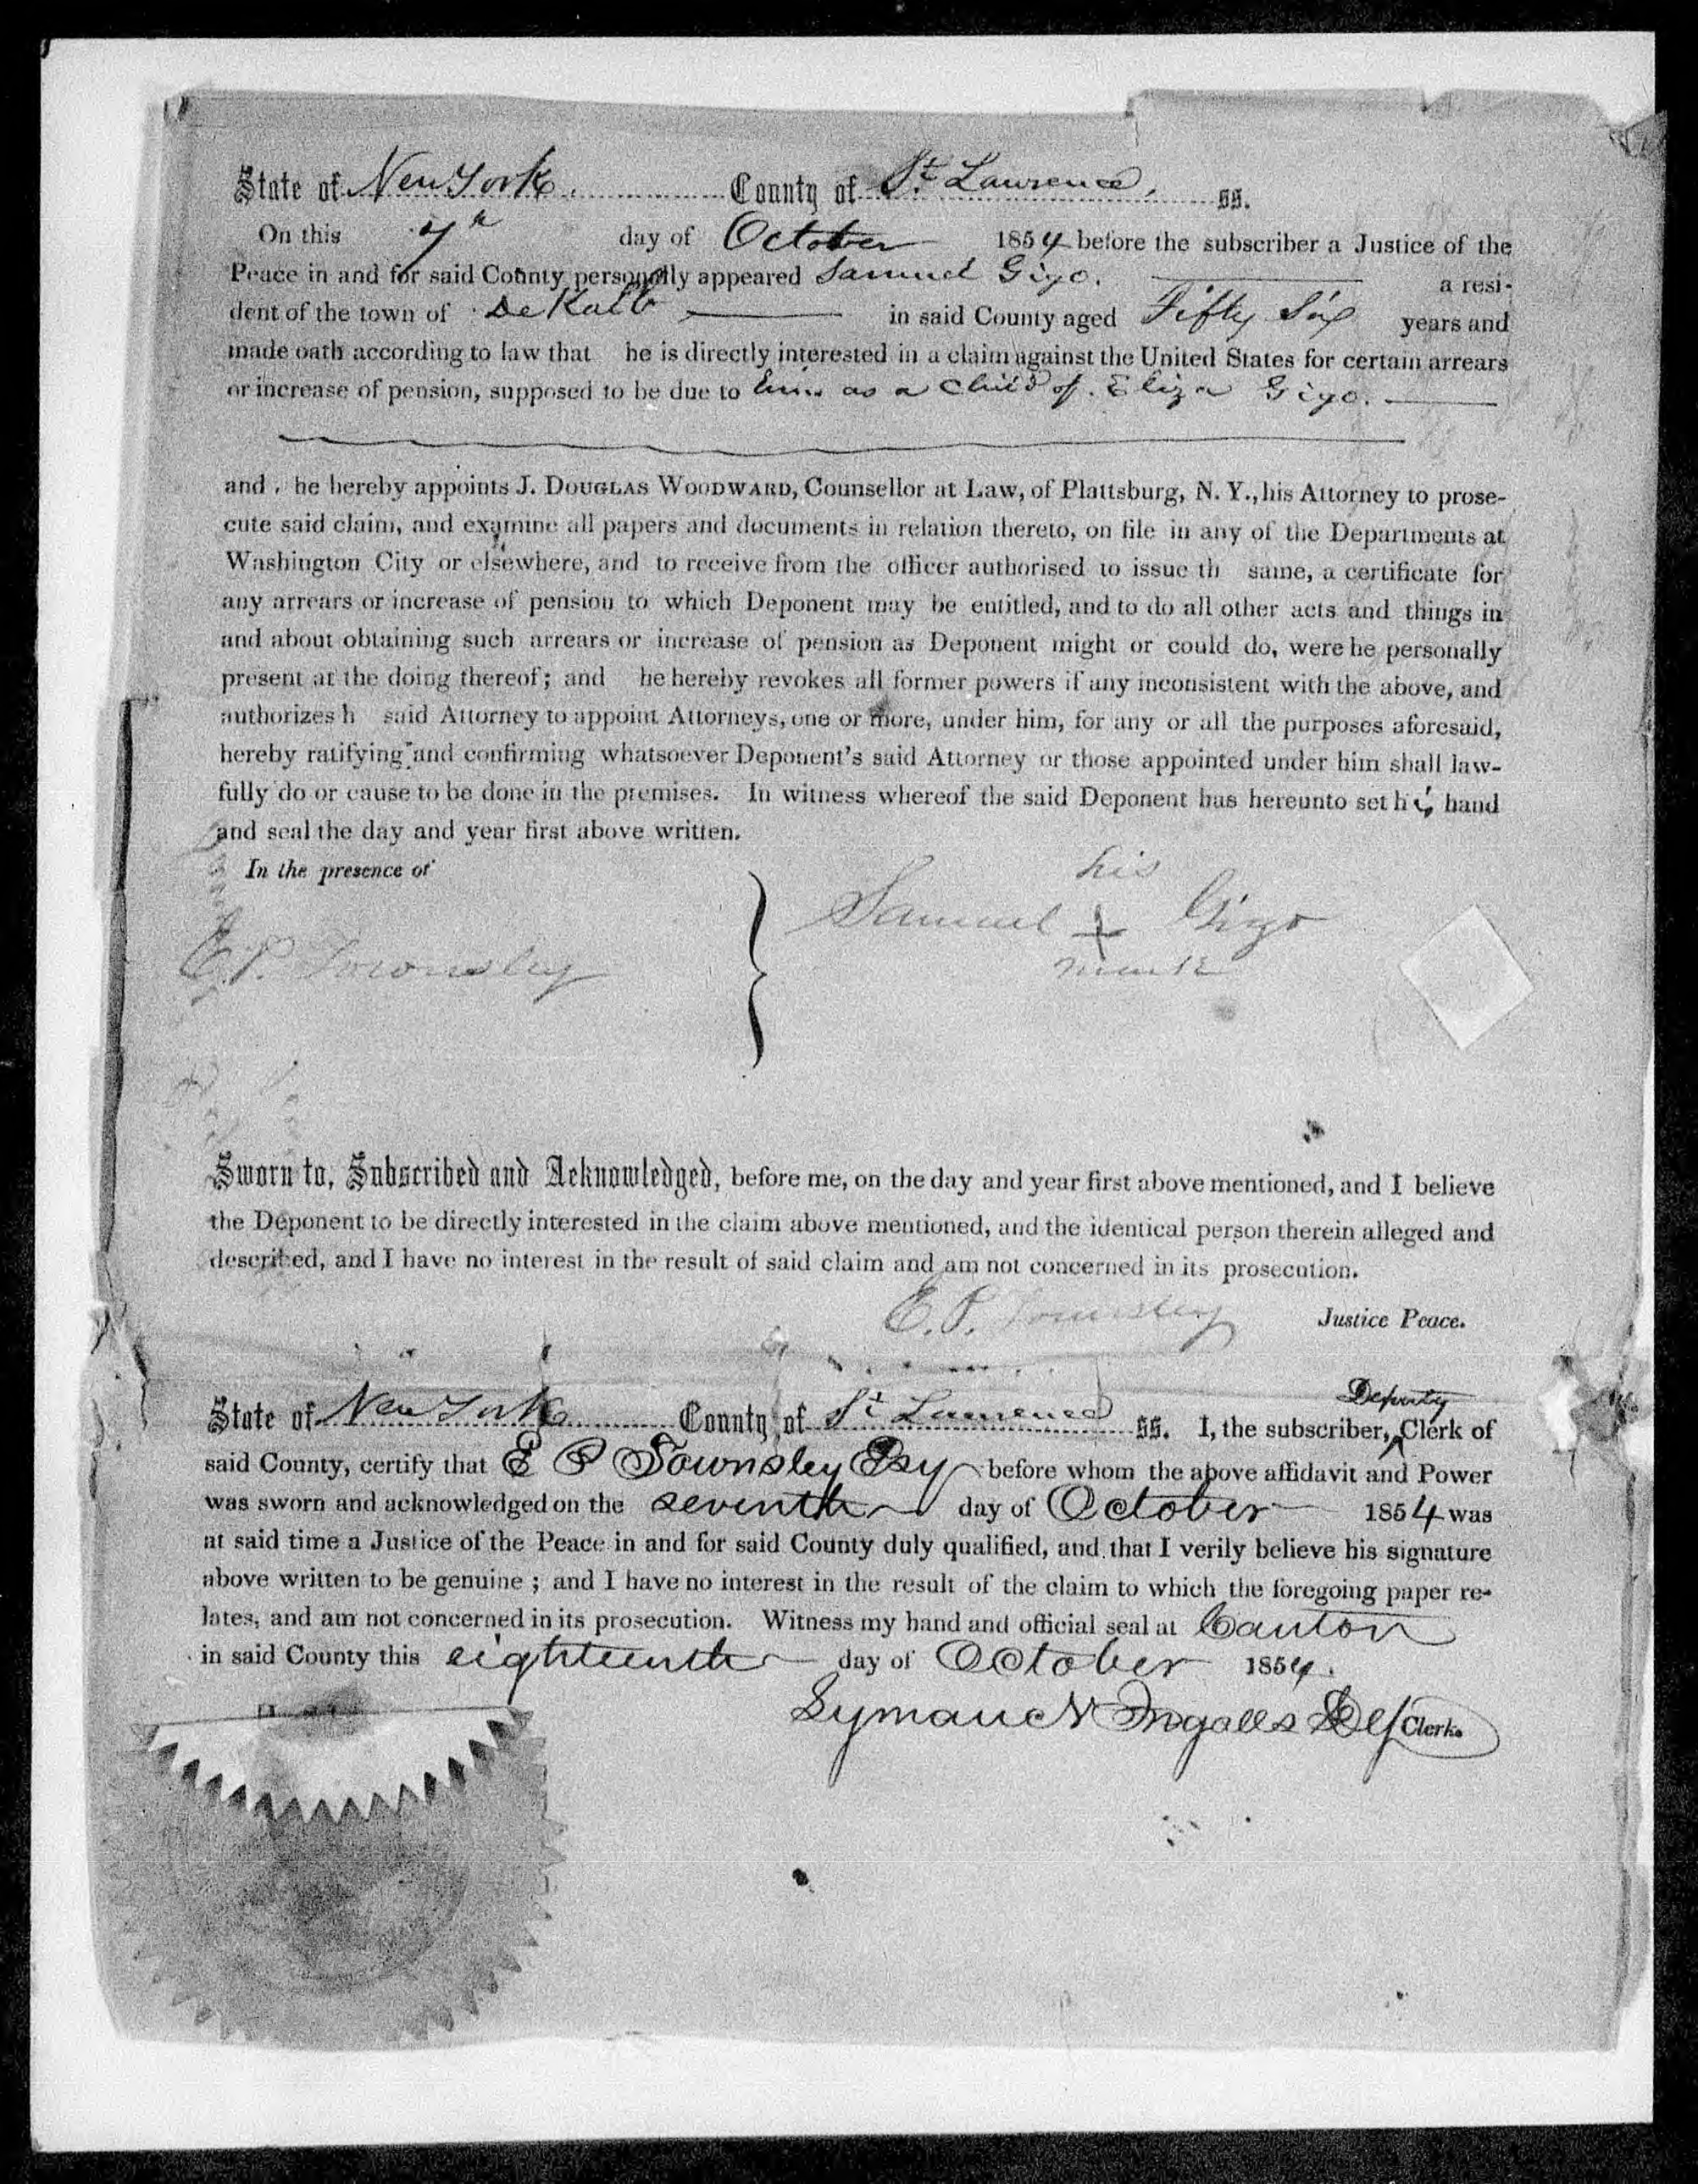State of New York  County of St. Lawrence, SS
On this 7th day of October 1854 before the subscriber a Justice of the Peace in and for said County personally appeared Samuel Gigo as a resident of the town of DeKalb to said County aged Fifty Six years and made oath according to law that he is directly interested in a claim against the United States for certain arrears or increase of pension, supposed to be due him as a child of Eliza Gigo
and, he hereby appoints J. Douglas Woodward, Counsellor at Law, of Plattsburg, N.Y., his Attorney to prosecute said claim, and examine all papers and documents in relation thereto, on file in any of the Departments at Washington City or elsewhere, and to receive from the officer authorized to issue the same, a certificate for any arrears or increase of pension to which Deponent may be entitled, and to all other acts and things in and about obtaining such arrears or increase of pension as Deponent might or could do, were he personally present at the doing thereof; and he hereby revokes all former powers if any inconsistent with the above, and authorizes his said Attorney to appoint Attorneys, one or more, under him, for all or all the purposes aforesaid, hereby ratifying and confirming whatsoever Deponent's said Attorney or those appointed under him shall lawfully do or cause to be done in the premises.
In witness whereof the said Deponent has hereunto set his hand and seal the day and year first above written.
Samuel (x his mark) Gigo
In the presence of E. P. Townsley

Sworn to, Subscribed and Acknowledged, before me, on the day and year first 
mentioned, and I believe the Deponent to be directly interested in the claim above mentioned, and the identical person therein alleged and described, and I have no interest in the result of said claim and am not concerned in its prosecution.
E. P. Townsley  Justice Peace.

State of New York  County of St. Lawrence  ss
I, the subscriber, Deputy Clerk of said County, certify that E. P. Townsley Esq. before whom the above affidavit and Power was sworn and acknowledged on the seventh day of October 1854 was at said time a Justice of the Peace in and for said County duly qualified, and that I verily believe his signature above written to be genuine; and I have no interest in the result of the claim to which the foregoing paper relates, and am not concerned in its prosecution.  
Witness my hand and official seal at Canton in said County this eighteenth day of October 1854,
Syman N Ingalls Dep Clerk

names: Samuel Gigo, E P Townsley, E P Townsley, Eliza Gigo, J Douglas Woodward, Lyman N Ingalls, Samuel Gigo, E P Townsley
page: 34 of 98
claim: widow's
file: W. 21182, Francis Gigo, Continental (Canadian)